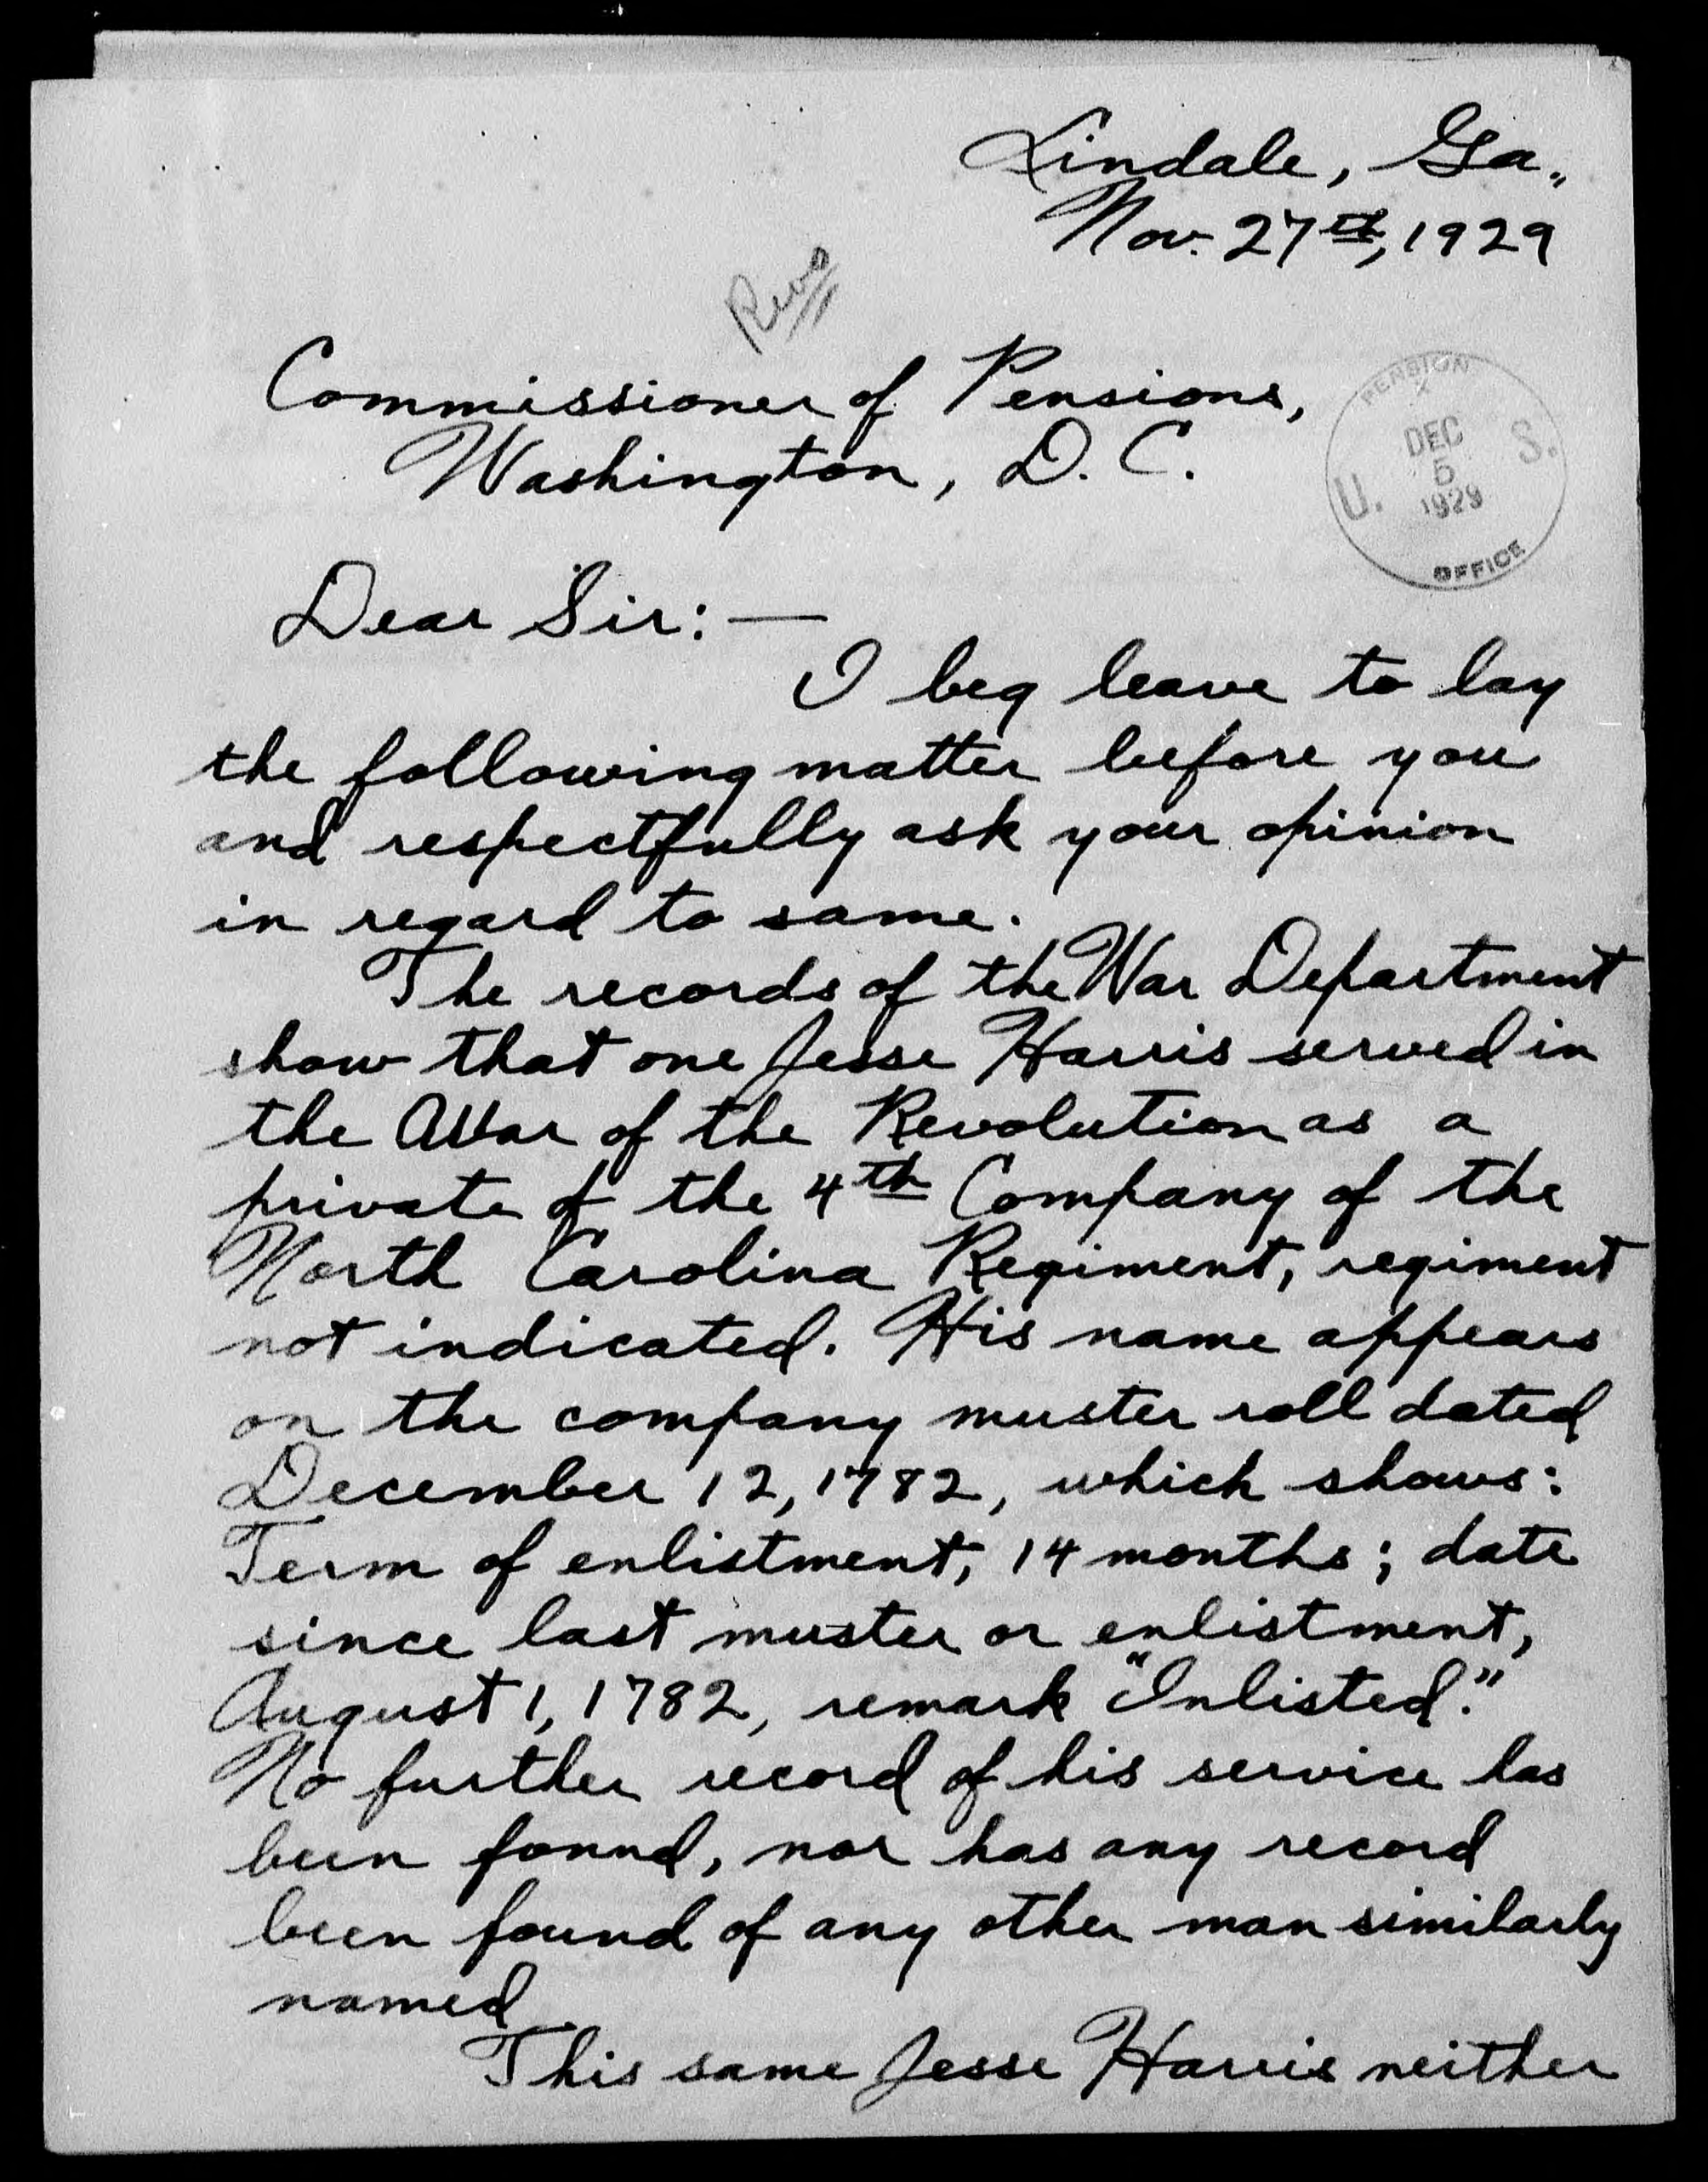Lindale, GA
Nov 27th, 1929
Commissioner of Pensions,
Washington, D.C.
Dear Sir:-
I beg leave to lay the following matter before you and respectfully ask your opinion in regard to same.
The records of the War Department show that one Jesse Harris served in the War of the Revolution as a private of the 4th Company of the North Carolina Regiment, regiment not indicated. His name appears on the company muster roll dated December 12, 1782, which shows: Term of enlistment, 14 months, date since last muster or enlistment, August 1, 1782, remark "Inlisted." No further record of his service has been found of any other man similarly named. 
This same Jesse Harris neither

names: Jesse Harris, Jesse Harris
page: 27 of 32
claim: rejected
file: R. 4655, Jesse Harris, N.C.